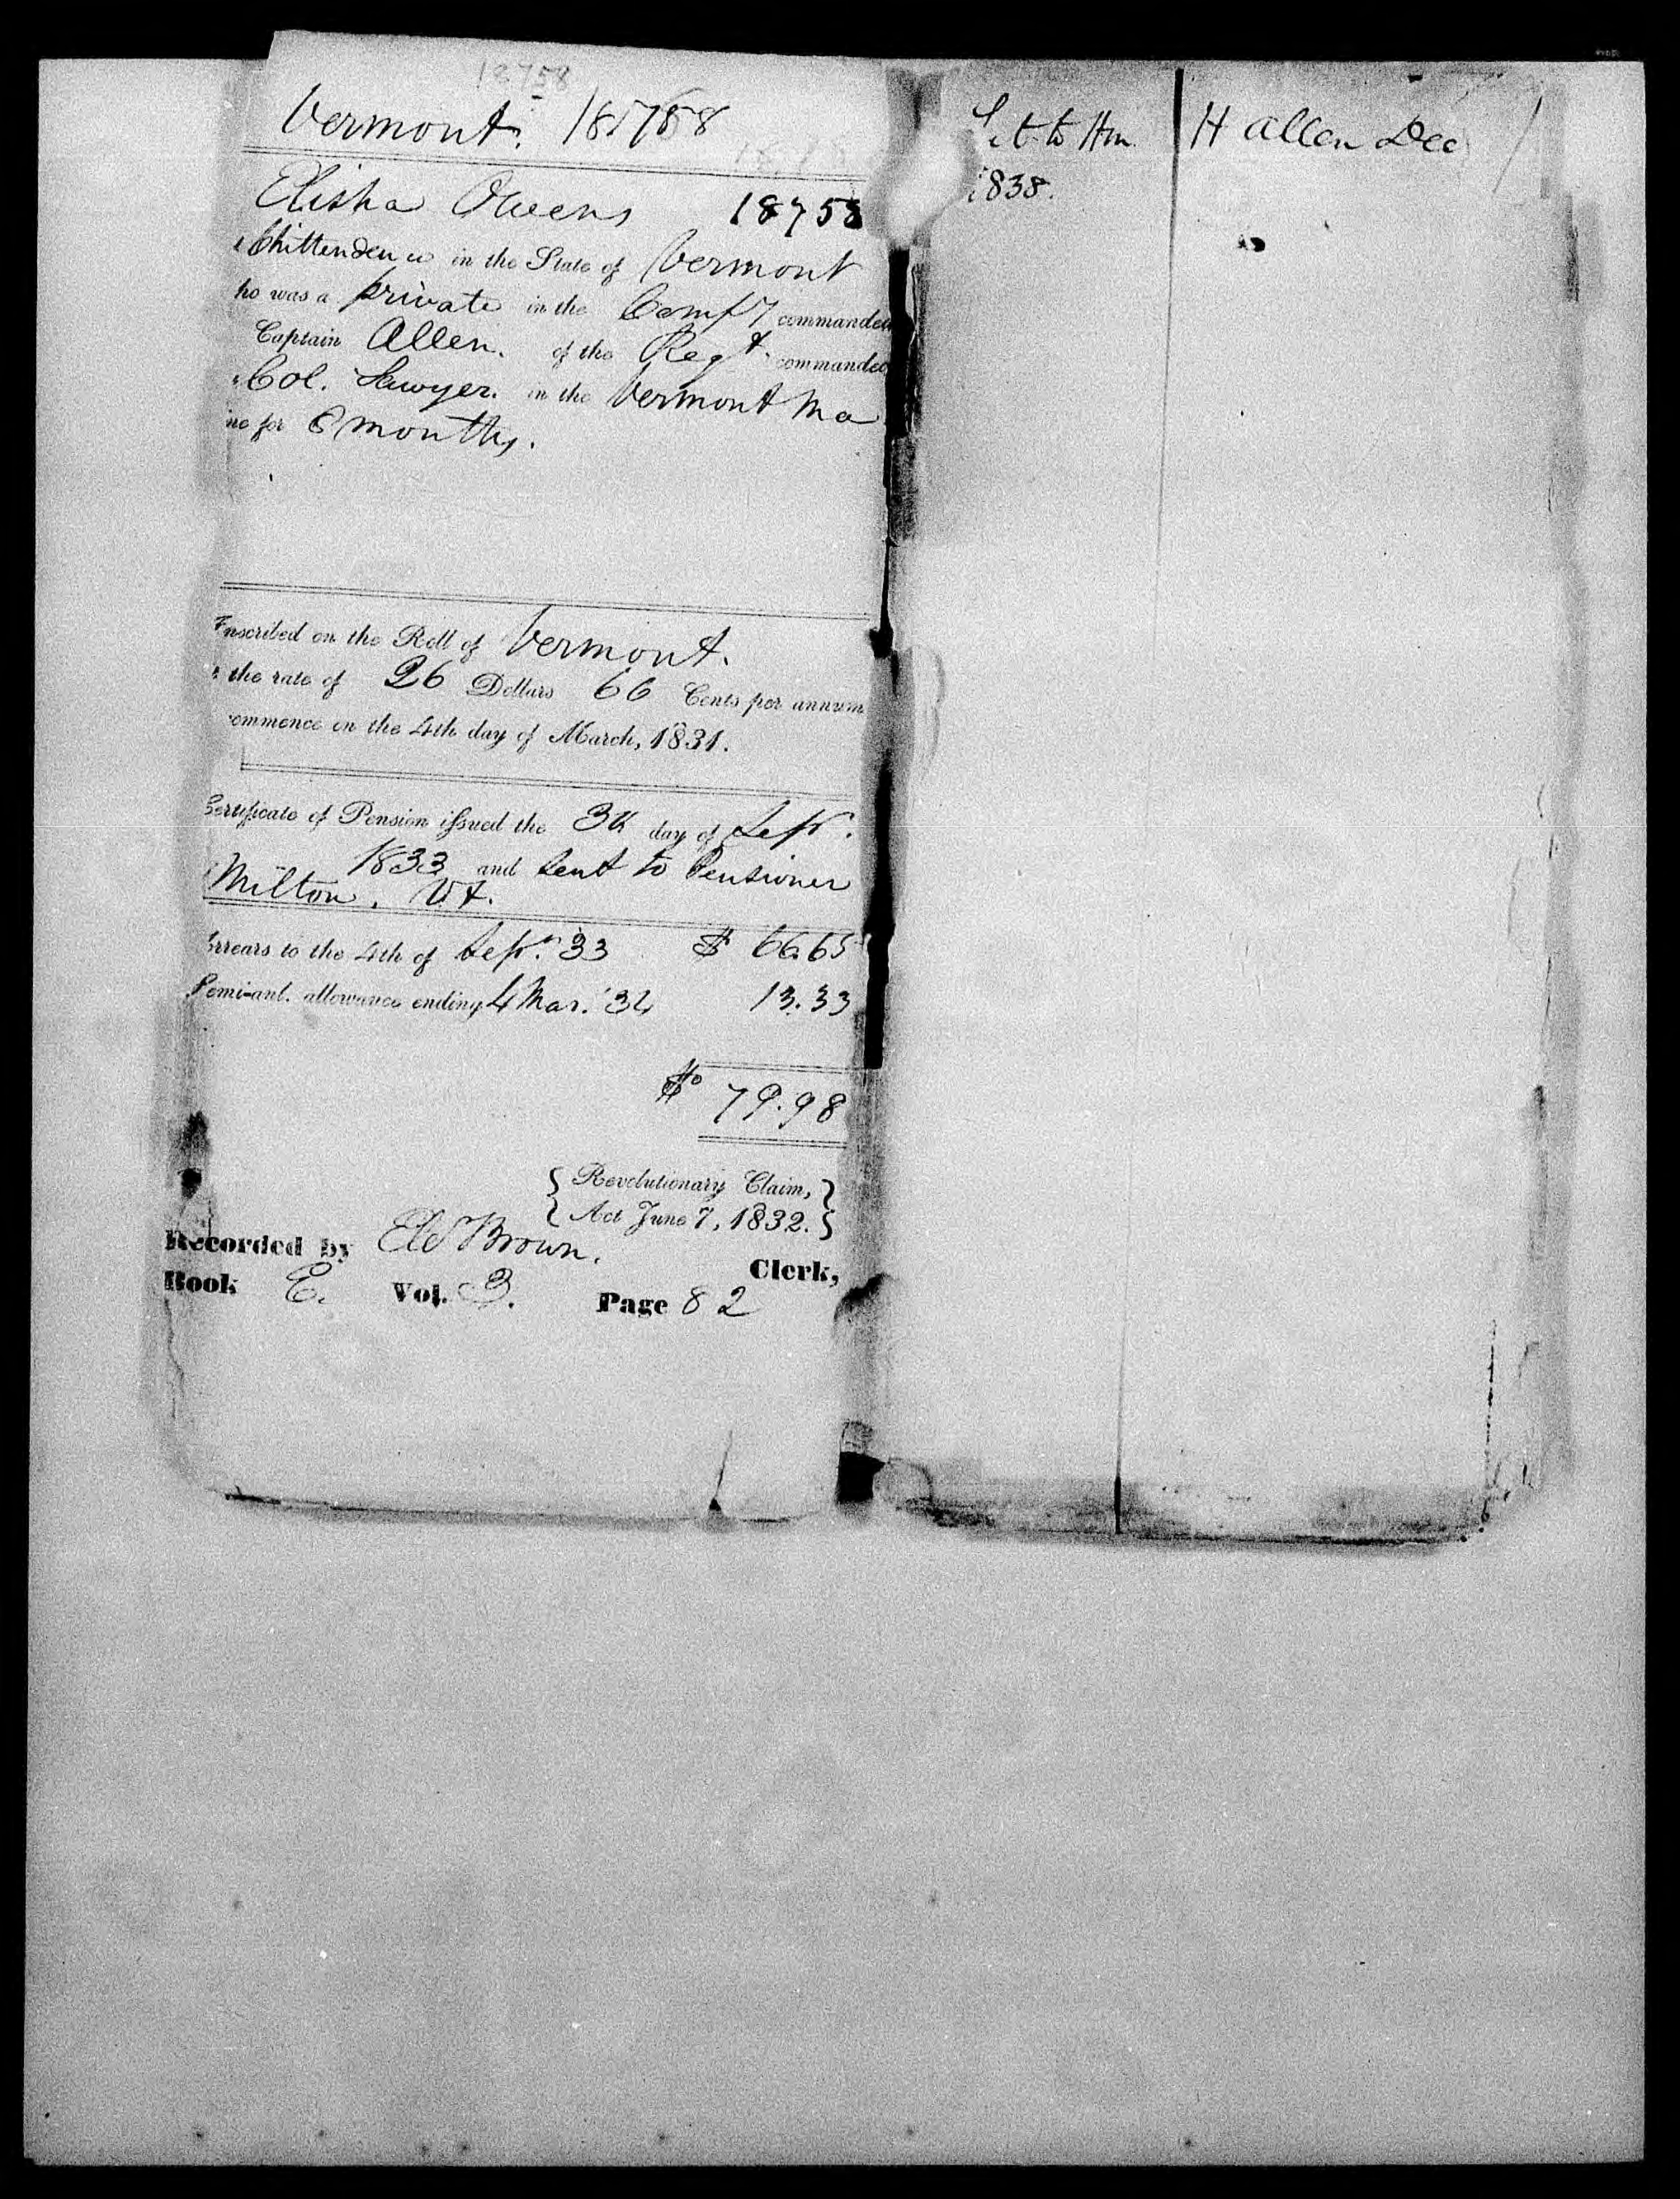18758
Vermont 181788
Elisha Owens 18758
Chittenden in the state of Vermont  he was a Private in the Company commanded by Captain Allen of the Regt. commanded by Col. Sawyer in the Vermont Ma for 8 months

Enscribed on the Roll of Vermont the rate of 26 dollars 66 cents per annum commence on the 4th day of March 1831

Certificate of Pension issued this 8th day of  September 1833 and sent to pensioner Milton, VT
Arrears to the 4th day of Sept 1833  $66.65
Semi-anl allowance ending 4 March '34    $13.33
$ 79.98
Revolutionary Claim, Act June 7, 1832
Recorded by El. Brown, Clerk
Book E, Vol 3, Page 82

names: Elisha Owens; [BLANK] Allen; [BLANK] Sawyer; Ele Brown; H Allen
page: 2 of 23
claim: survivor's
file: S 14072, for Elisha Owen, Vermont